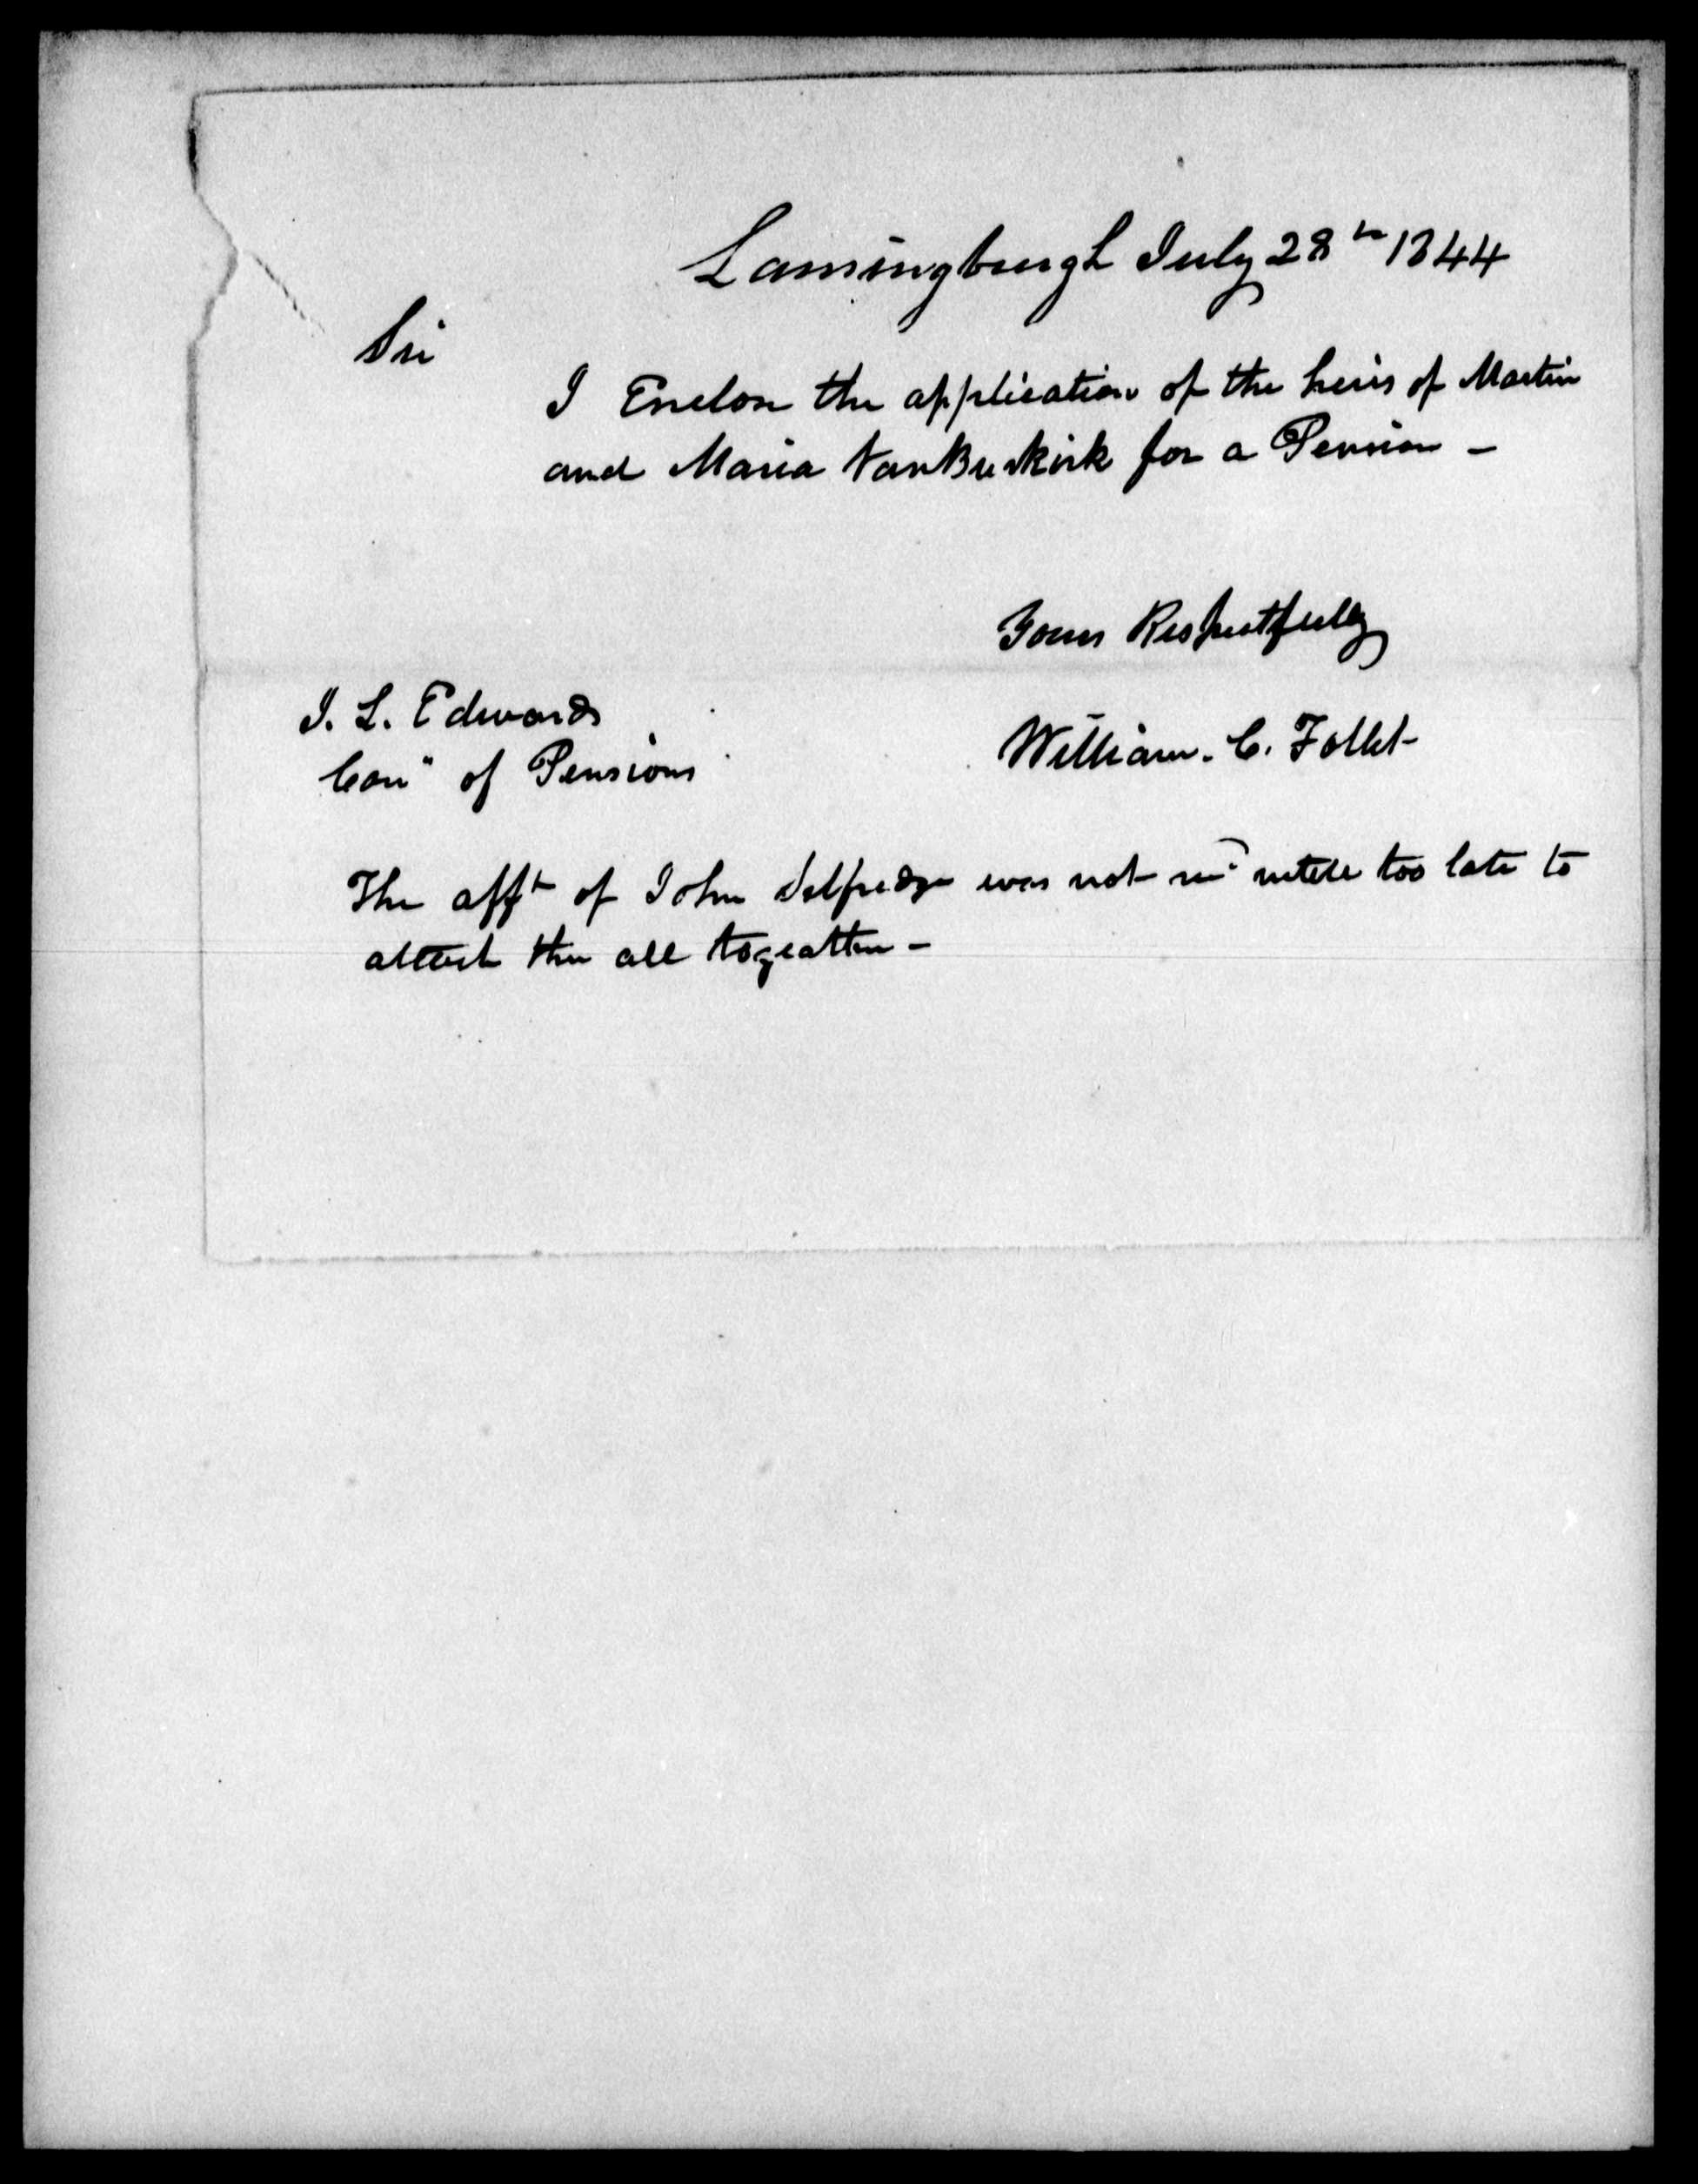Lansingburgh July 28th 1844

Sir
I enclose the application of the heirs of Martin and Maria Van BusKirk for a Pension - 

Yours Respectfully
William C. Follet [signature]

J. L. Edwards
Comr of Pensions

The afft of John Selfridge was not in untill too late to attach them all together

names: John Selfridge, Martin Van Buskirk, Maria Van Buskirk, J L Edwards, William C Follet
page: 32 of 70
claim: rejected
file: R. 10,832, Martin Van Buskirk, New York.